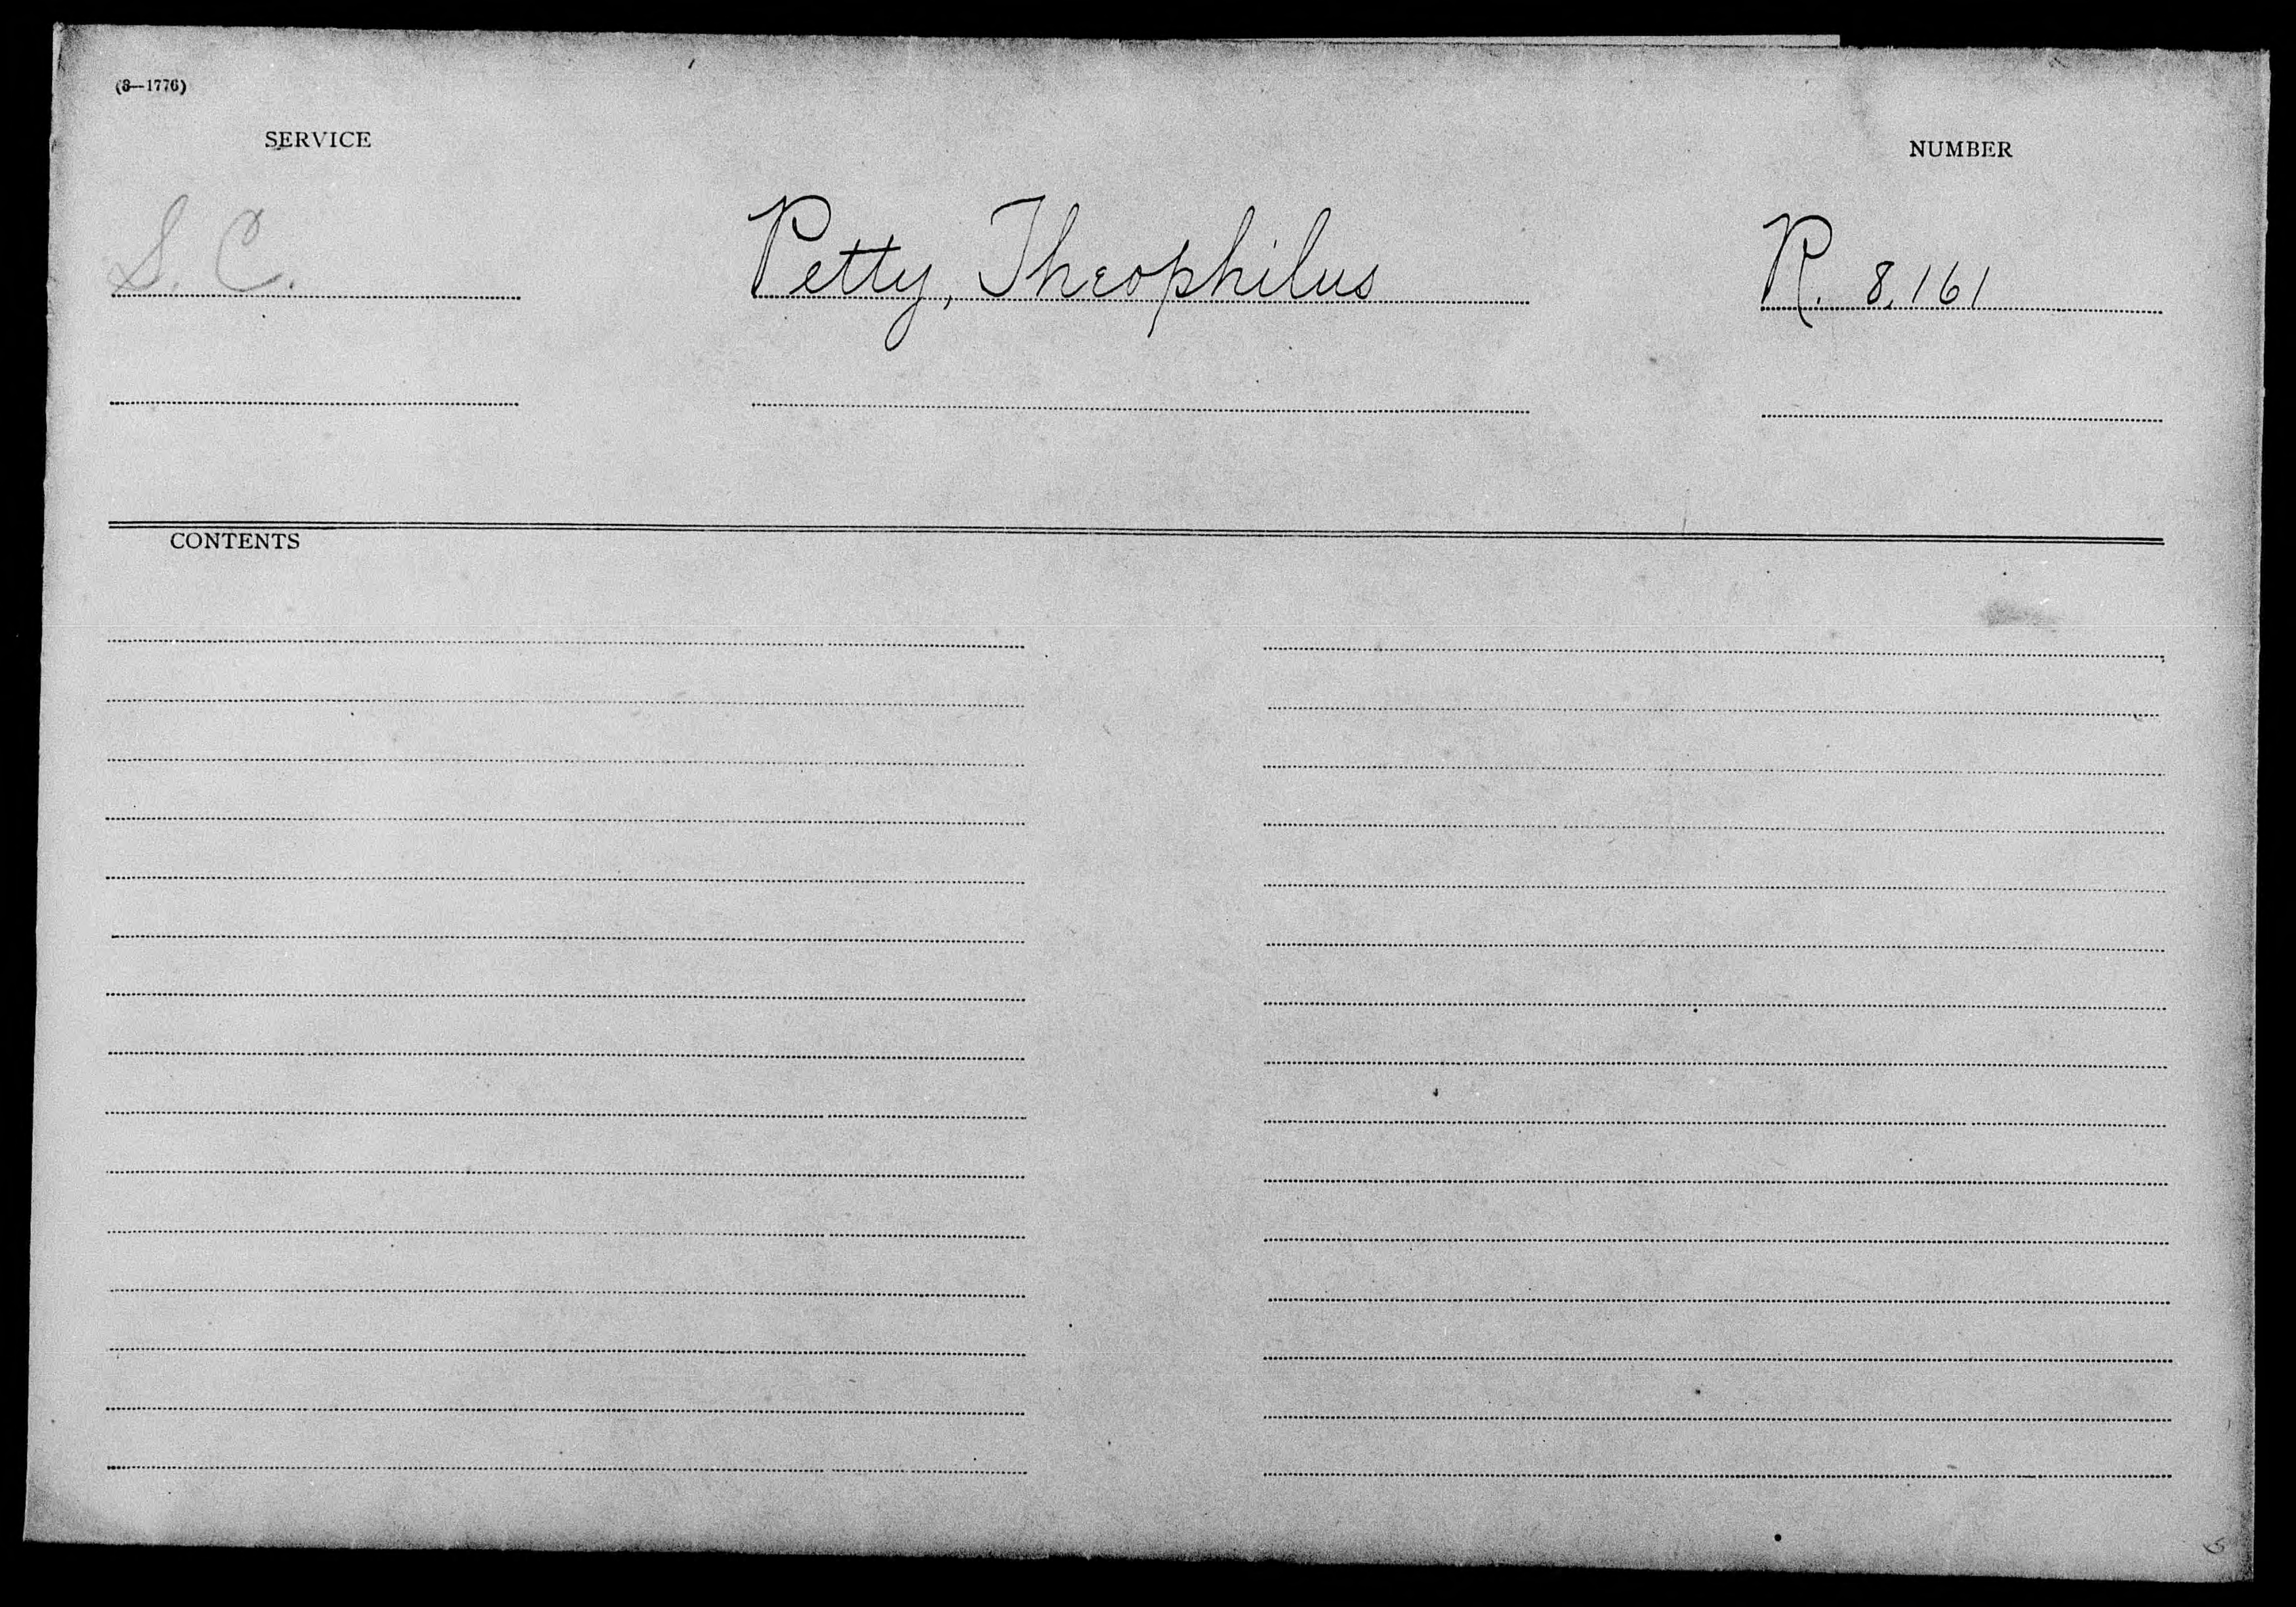(3-1776)
SERVICE SC
Petty, Theophilus 
NUMBER R 8161
CONTENTS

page: 1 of 26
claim: rejected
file: R. 8,161, for Theophilus Petty, South Carolina